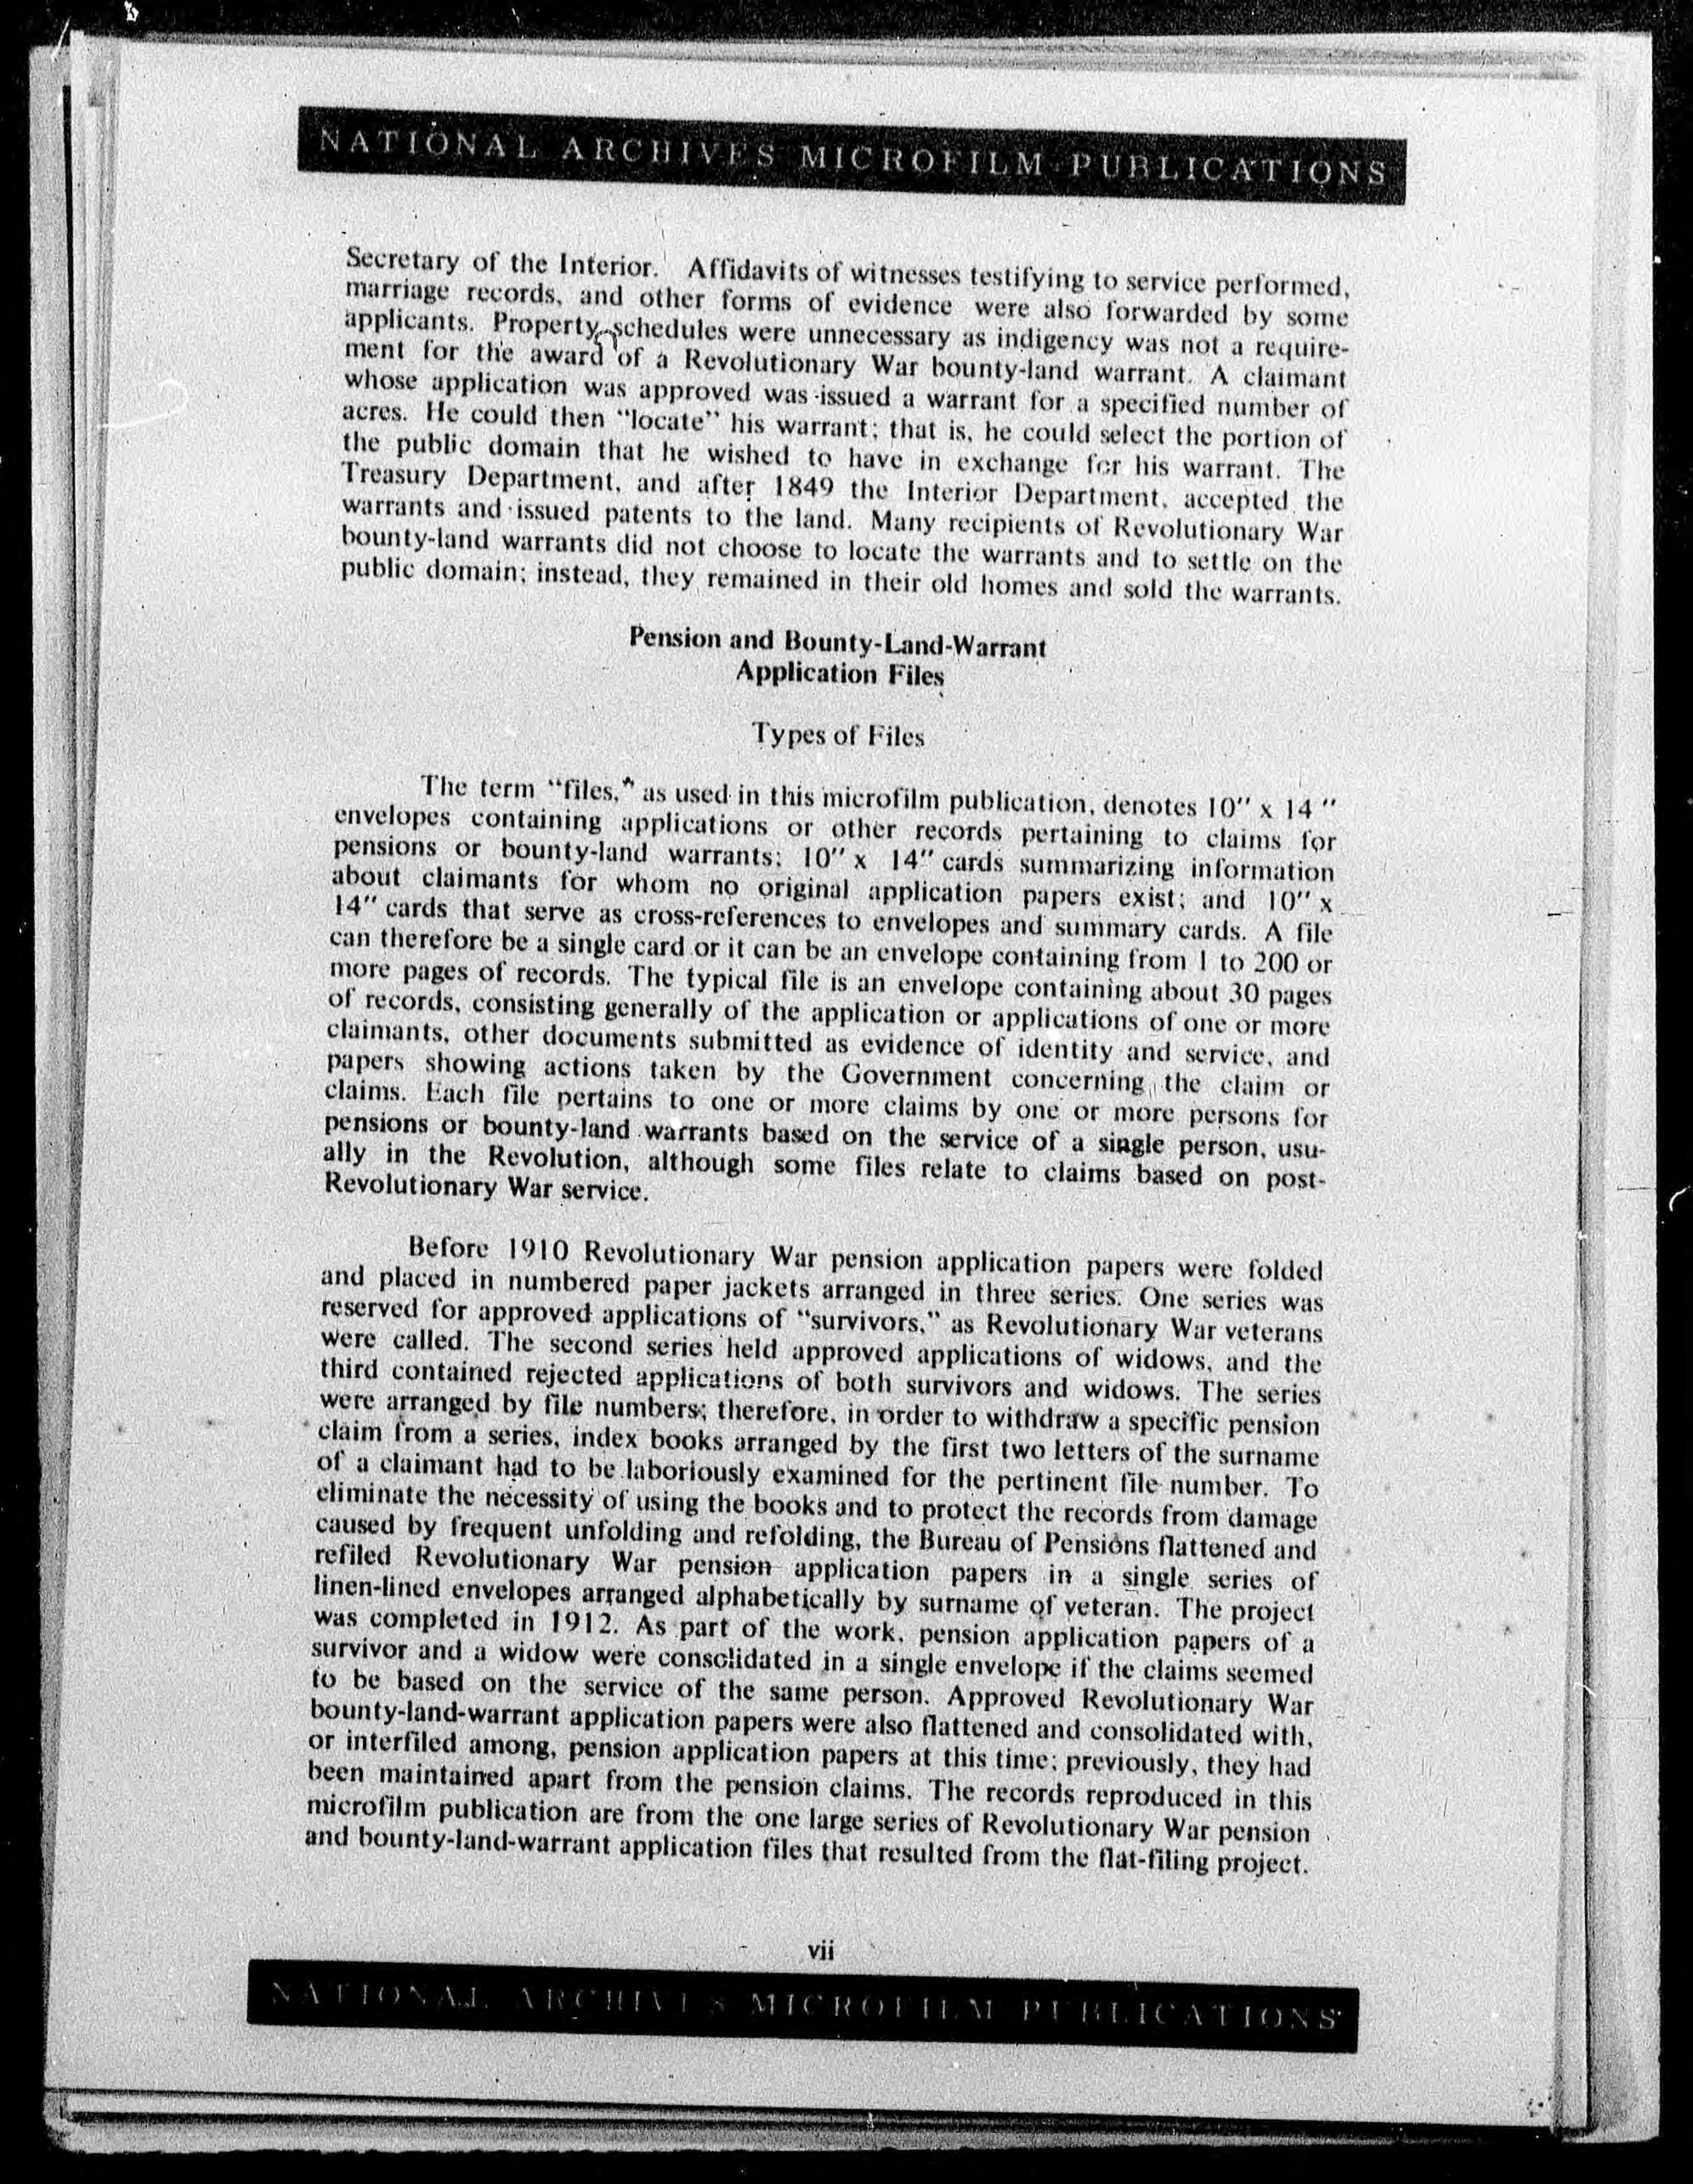Secretary of the Interior. Affidavits of witness testifying to service performed, marriage records, and other forms of evidence were also forwarded by some applicants. Property schedules were unnecessary as indigency was not a requirement for the award of a Revolutionary War bounty-land warrant. A claimant whose application was approved was issued a warrant for a specified number of acres. He could then "locate" his warrant; that is, he could select the portion of the public domain that he wished to have in exchange for his warrant. The Treasury Department, and after 1849 the Interior Department. accepted the warrants and issued patents did not choose to locate the warrants and to settle on the public domain: instead, they remained in their old homes and sold the warrants.
Pension and Bounty-Land-Warrant Application Files
Types of Files
The term "files, ^"as used in this microfilm publication, denotes 10" x 14" envelopes containing applications or other records pertaining to claims for pensions or bounty-land warrants: 10" x 14" cards summarizing information about claimants for whom no original application papers exist: and 10" x 14" cards that serve as cross-references to envelopes and summary cards. A file can therefore be a single card or it can be an envelope containing from 1 to 200 or more pages of records, consisting generally of the application or applications of one or more claimants, other documents submitted as evidence of identity and service, and papers showing actions taken by the Government concerning the claim or claims. Each file pertains to one or more claims by one or more persons for pensions or bounty-land warrants based on the service of a single person, usually in the Revolution, although some files relate to claim based on post-Revolutionary War service.
Before 1910 Revolutionary War pension application papers were folded and placed in numbered paper jackets arranged in three series. One series was reserved for approved applications of "survivors," as Revolutionary War veterans were called. The second series held approved applications of widows, and the third contained rejected applications of both survivors and widows. The series were arranged by file numbers: therefore, in order to withdraw a specific pension claim from a series, index books arranged by the first two letters of the surname of a claimant had to be laboriously examined for the pertinent file number. To eliminate the necessity of using the books and to protect the records from damage caused by frequent unfolding and refolding, the Bureau of Pension flattened and refiled Revolutionary War pension application papers in a single series of linen-lined envelopes arranged alphabetically by surname of veteran. The project was completed in 1912. As part of the work, pension application papers of a survivor and a widow were consolidated in a single envelope if the claims seemed to be based on the service of the same person. Approved Revolutionary War bounty-land-warrant application paper were also flattened consolidated with, or interfiled among, pension application papers at this time: previously, they had been maintained apart from the pension claims. The records reproduced in this microfilm publication are from the one large series of Revolutionary War pension and bounty-land-warrant application files that resulted from the flat-filing project.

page: 6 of 59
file: Revolutionary War Pension and Bounty Land Warrant Application File